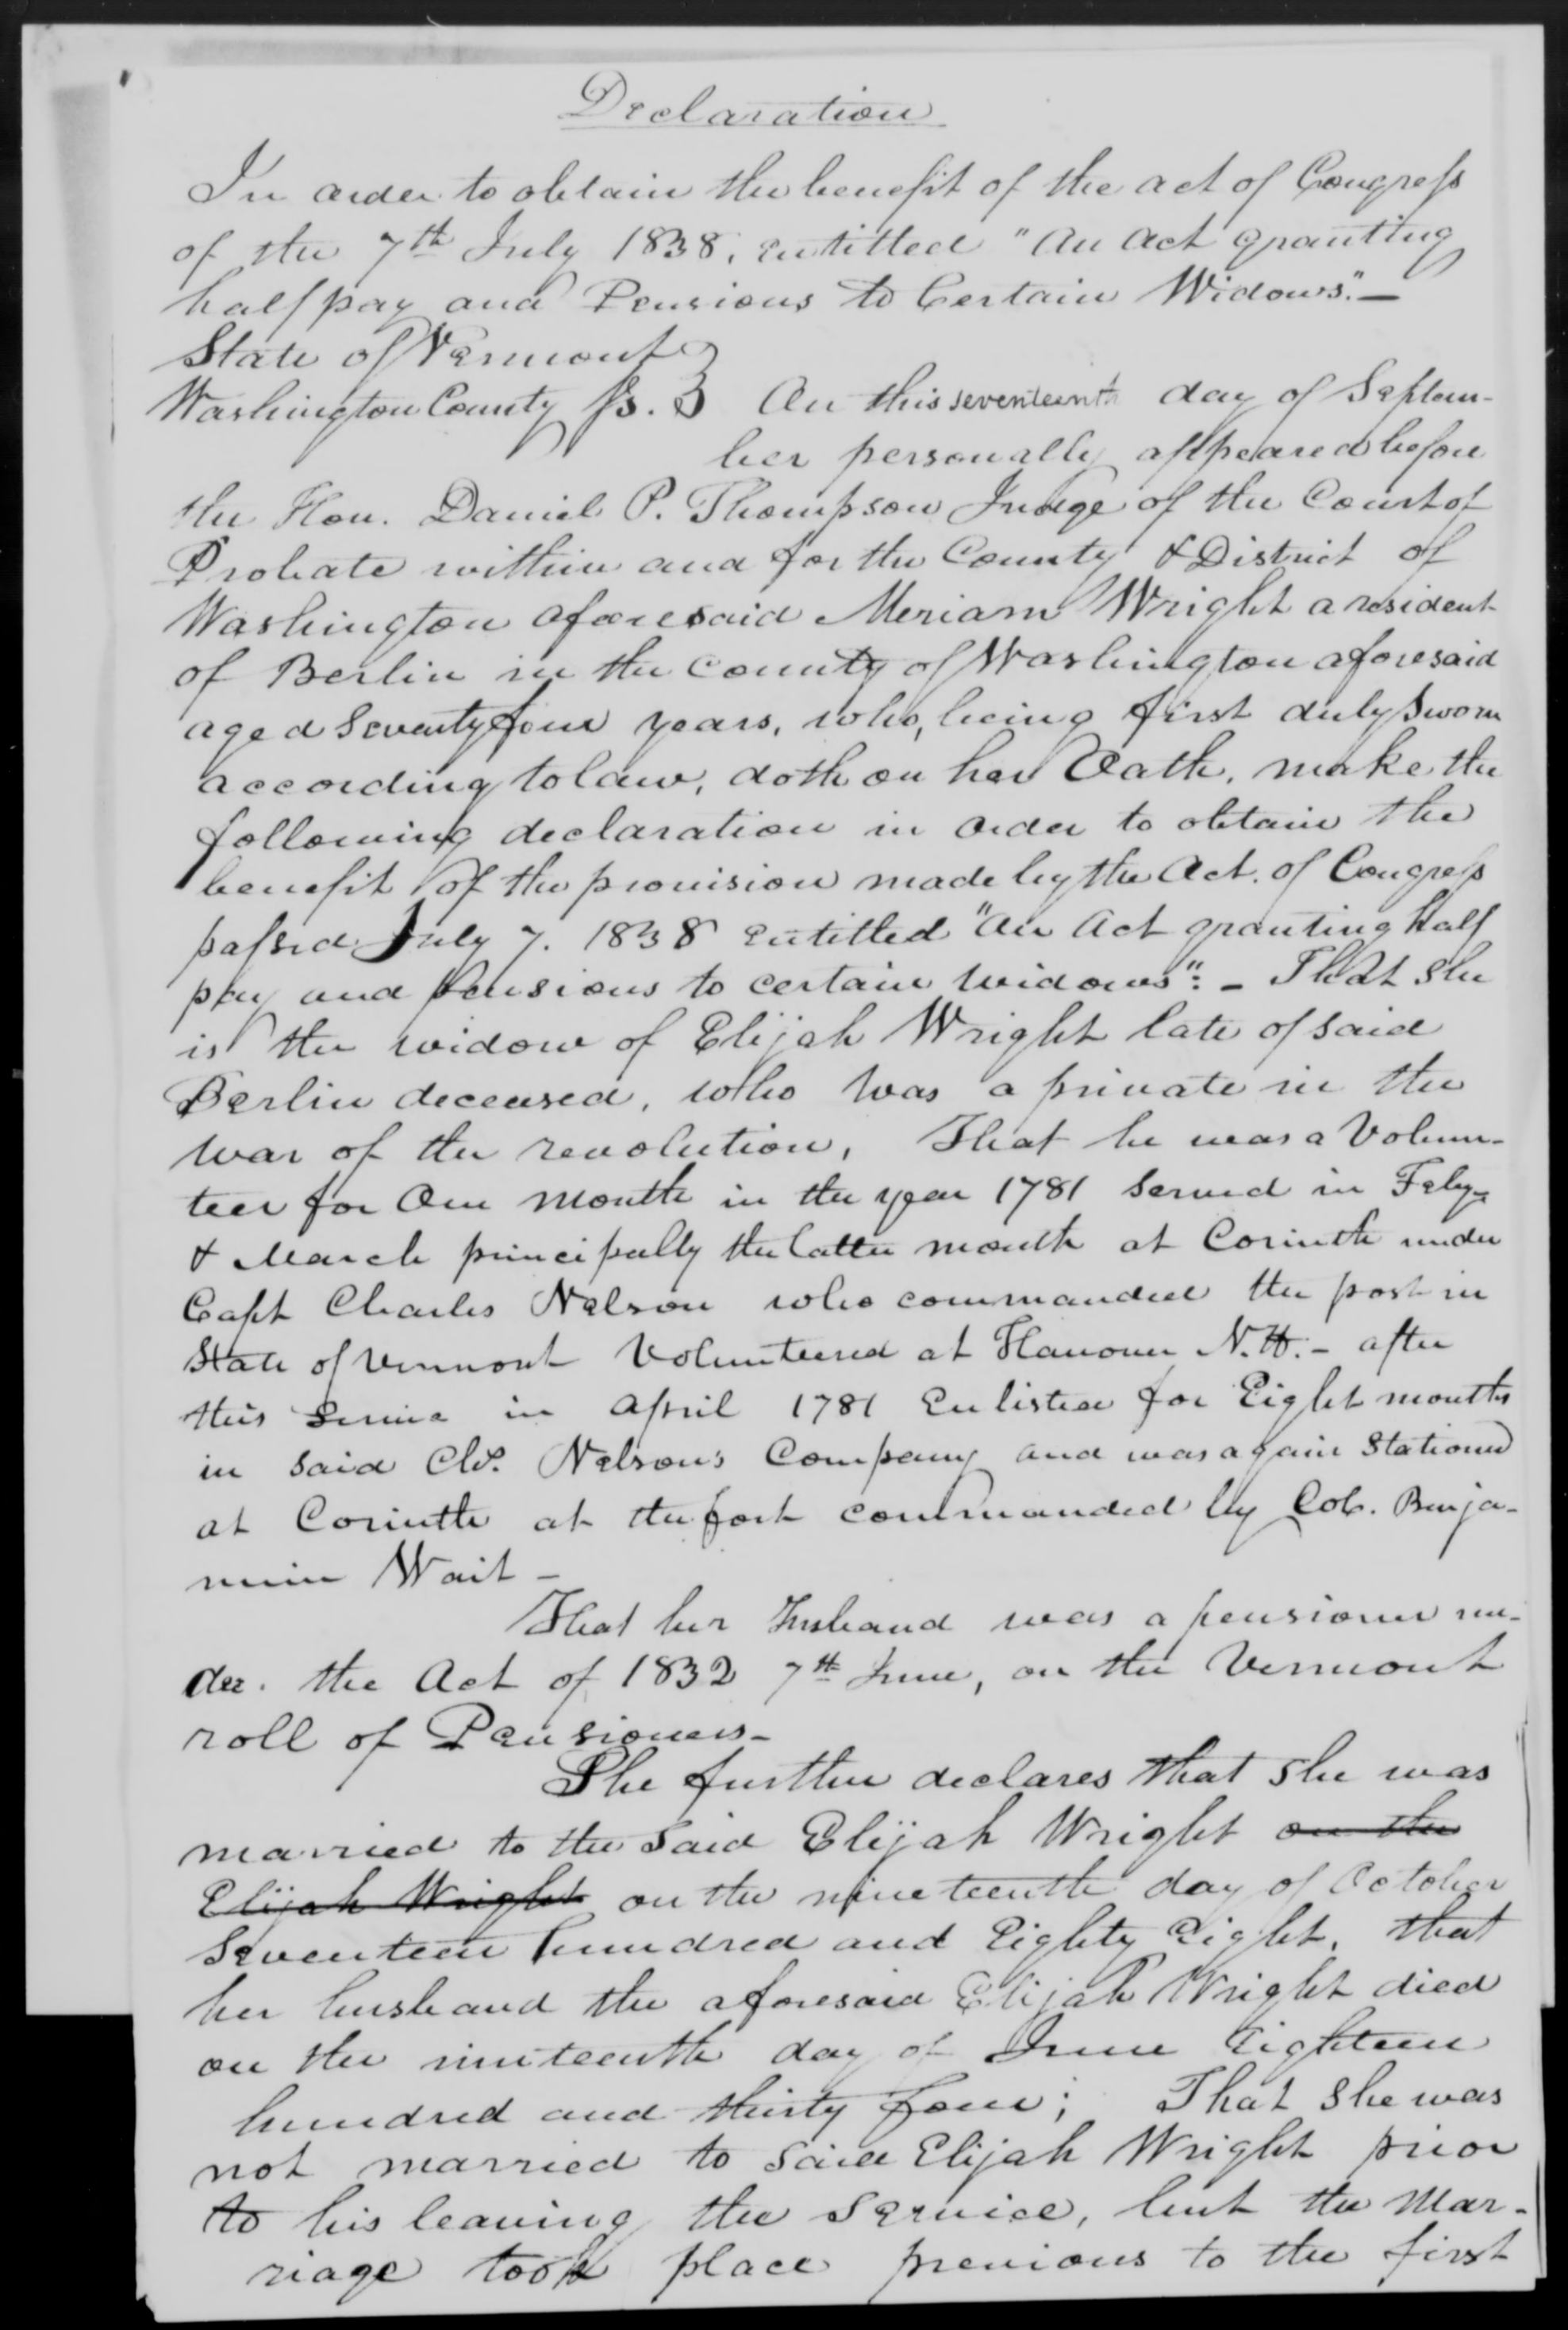Declaration
In order to obtain the benefit of the act of Congress
of the 7th July 1838, entitled "An act granting
half pay and Pensions to certain Widows."
State of Vermont
Washington County ss. On this seventeenth day of September personally appeared before
the Hon. Daniel P. Thompson Judge of the Court of
Probate within and for the County & District of
Washington aforesaid Miriam Wright a resident
of Berlin in the County of Washington aforesaid
aged Seventy four years, who being first duly sworn
according to law, doth on her oath, make the
following declaration in order to obtain the
benefit of the provision made by the Act of Congress
passed July 7. 1838 entitled "An act granting half
pay and pensions to certain widows- That she
is the widow of Elijah Wright late of said
Berlin deceased, who was a private in the
war of the revolution. That he was a volun
ter for one month in the year 1781 served in Feby
& March principally the latter month at Corinth under
Capt Charles Nelson who commanded the post in
State of Vernont
Volunteered at Hanover N.H. after
this service in April 1781 Enlisted for Eight months
in said C. Nelson's Company and was again stationed
at Corinth at the fort commanded by Col. Benjamin Wait
That her husband was a pensioner under the act of 1832 7th June, in the Vermont
roll of Pensioners.
She further declares that she was
married to the said Elijah Wright
 on the nineteenth day of October
Seventeen hundred and Eighty Eight, that
her husband the aforesaid Elijah Wright died
on the ninteenth day of June Eighteen
hundred and thirty four; That she was
not married to said Elijah Wright prior
to his leaving the service, but the Marriage
took place previous to the first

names: Benjamin Wait, Charles Nelson, Daniel P Thompson, Meriam Wright, Elijah Wright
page: 13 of 26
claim: widow's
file: W. 26,137, Elijah Wright, N.H.